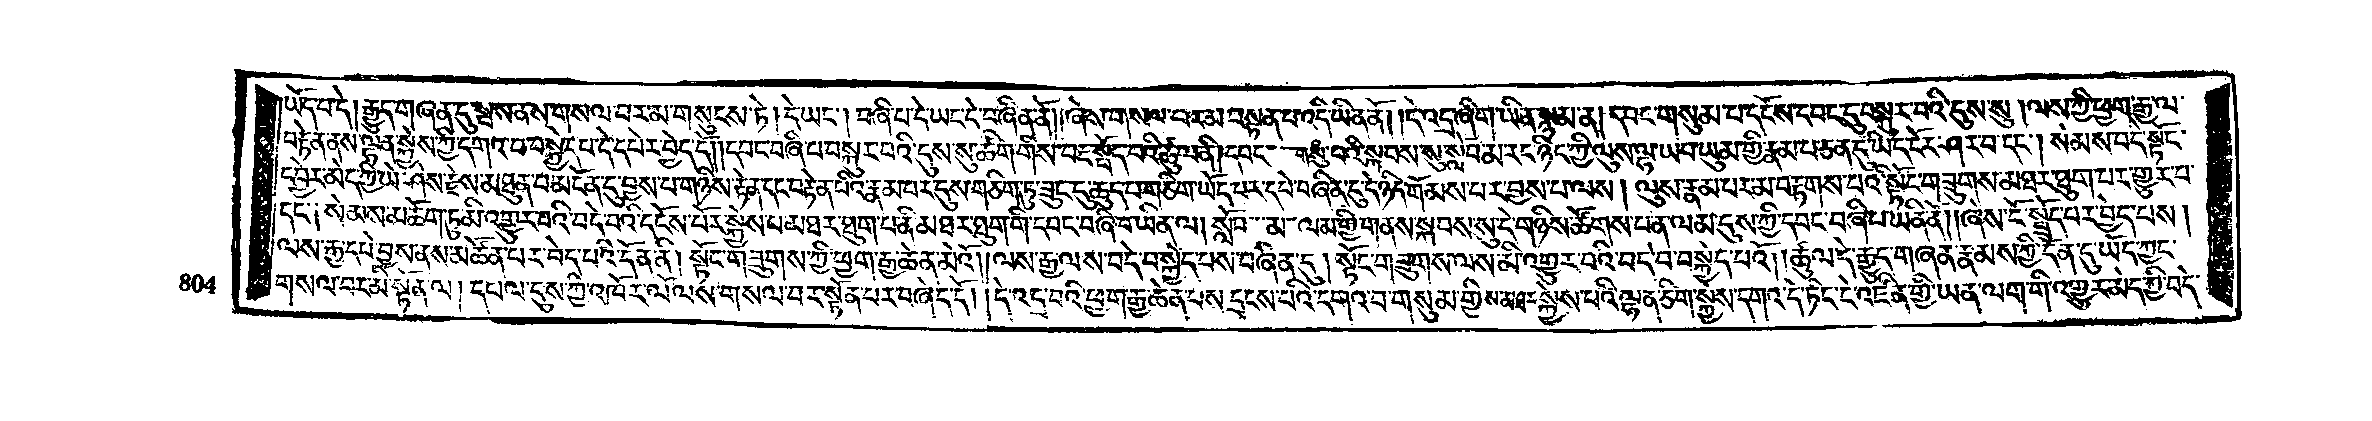ཡོད་པ་དེ། རྒྱུད་གཞན་དུ་སྦས་ནས་གསལ་བར་མ་གསུངས་ཏེ། དེ་ཡང་། བཞི་པ་དེ་ཡང་དེ་བཞིན་ནོ། །ཞེས་གསལ་བར་མ་བསྟན་པ་འདི་ཡིན་ནོ། །དེ་འདྲ་ཞིག་ཡིན་སྙམ་ན། དབང་གསུམ་པ་དངོས་དབང་དུ་བསྐུར་བའི་དུས་སུ། །ལས་ཀྱི་ཕྱག་རྒྱ་ལ་
བརྟེན་ནས་ལྷན་སྐྱེས་ཀྱི་དགའ་བ་བསྐྱེད་པ་དེ་དཔེར་བྱེད་དོ། །དབང་བཞི་པ་བསྐུར་བའི་དུས་སུ་ཚིག་གིས་བརྡ་སྤྲོད་པའི་ཚུལ་ནི། དབང་གསུམ་པའི་སྐབས་སུ་སློབ་མ་རང་ཉིད་ཀྱི་ལུས་ལྷ་ཡབ་ཡུམ་གྱི་རྣམ་པ་ཅན་དུ་ཡིད་ངོར་ཤར་བ་དང་། སེམས་བདེ་སྟོང་
དབྱེར་མེད་ཀྱི་ཡེ་ཤེས་རྗེས་མཐུན་པ་མངོན་དུ་བྱས་པ་གཉིས་རྟེན་དང་བརྟེན་པའི་རྣམ་པར་དུས་གཅིག་ཏུ་ཟུང་ངུ་ཆུད་པ་གཅིག་ཡོད་པར་དཔེ་བཞིན་དུ་དེ་ཉིད་གོམས་པར་བྱས་པ་ལས། ལུས་རྣམ་པར་མ་བརྟགས་པའི་སྟོང་གཟུགས་མཐར་ཐུག་པར་གྱུར་པ་
དང༑ སེམས་མཆོག་ཏུ་མི་འགྱུར་བའི་བདེ་བའི་དངོས་པོར་སྐྱེས་པ་མཐར་ཐུག་པ་ནི་མཐར་ཐུག་གི་དབང་བཞི་པ་ཡིན་ལ། སློབ་མ་ལམ་གྱི་གནས་སྐབས་སུ་དེ་གཉིས་ཚོགས་པ་ན་ལམ་དུས་ཀྱི་དབང་བཞི་པ་ཡིན་ནོ། །ཞེས་ངོ་སྤྲོད་པར་བྱེད་པས།
ལས་རྒྱ་དཔེ་བྱས་ནས་མཚོན་པར་བེད་པའི་དོན་ནི། སྟོང་གཟུགས་ཀྱི་ཕྱག་རྒྱ་ཆེན་མོའོ། །ལས་རྒྱ་ལས་བདེ་བ་སྐྱེད་པས་བཞིན་དུ། སྟོང་གཟུགས་ལས་མི་འགྱུར་བའི་བདེ་བ་བསྐྱེད་པའོ། །ཚུལ་དེ་རྒྱུད་གཞན་རྣམས་ཀྱི་དོན་དུ་ཡོད་ཀྱང་
གསལ་བར་མི་སྟོན་ལ། དཔལ་དུས་ཀྱི་འཁོར་ལོ་ལས་གསལ་བར་སྟོན་པར་བཞེད་དོ། །དེ་འདྲ་བའི་ཕྱག་རྒྱ་ཆེན་པས་དྲངས་པའི་དགའ་བ་གསུམ་གྱིས་མཐར་སྐྱེས་པའི་ལྷན་ཅིག་སྐྱེས་དགའ་དེ་ཏིང་ངེ་འཛིན་གྱི་ཡན་ལག་གི་འགྱུར་མེད་ཀྱི་བདེ་